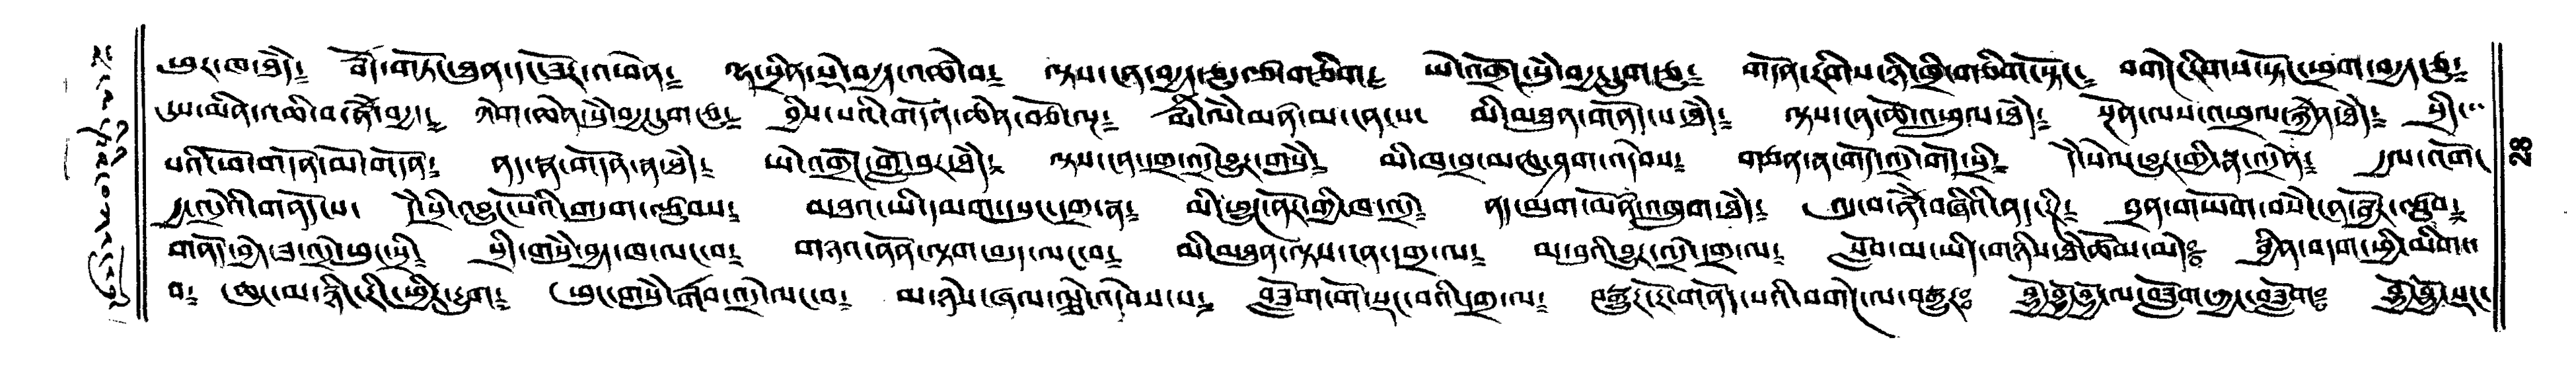ཕུར་ཁ་ཐམས་ཅད༴ རྦོད་གཏོང་ཐུན་དང་ཟོར་འཕེན༴ ལྷ་སྲིན་སྡེ་བརྒྱད་འཚེ་བ༴ ལྟས་ངན་བརྒྱད་ཅུ་རྩ་གཅིག༴ ཡེ་འགྲོགས་སུམ་བརྒྱ་དྲུག་ཅུ༴ གདོན་རིགས་ཉི་ཁྲི་གཅིག་སྟོང༴ བགེགས་རིགས་སྟོང་ཕྲག་བརྒྱད་ཅུ༴ 
དུས་མིན་འཆི་བ་རྣམ་བརྒྱད༴ ཀེག་ཆེན་སུམ་བརྒྱ་དྲུག་ཅུ༴ བྱིས་པའི་གདོན་ཆེན་བཅོ་ལྔ༴ རྨི་ལམ་མཚན་མ་ངན་པ༴ མི་མཐུན་གནོད་པ་ཐམས་ཅད༴ ལྟས་ངན་ཆོ་འཕྲུལ་ཐམས་ཅད༴ སྔོན་ལས་འཕྲལ་རྐྱེན་ཐམས་ཅད༴ སྲིད་
པའི་ཕོ་གདོན་མོ་གདོན༴ ནད་སྣ་གདོན་སྣ་ཐམས་ཅད༴ ཡེ་འགྲོགས་གློ་བུར་ཐམས་ཅད༴ ལྟས་ངན་དགྲ་འདྲེ་བྱུར་གསུམ༴ མི་ཁ་བྲ་མཆུ་ཤག་འདེབས༴ གཅན་སྣ་གོད་འདྲེ་གོད་སྲི༴ དམ་སེལ་བྱུར་གྱི་སྣ་འདྲེན༴ རྒྱལ་འགོར་
རྒྱ་འདྲེའི་གནོད་པ༴ དམ་སྲི་འབྱུང་པོའི་གདུག་རྩུབ༴ མཐའ་ཡི་དམག་དཔུང་དགྲ་སྣ༴ མི་ཕྱུགས་ནོར་གྱི་ཁ་འདྲེ༴ ནད་མུག་མཚོན་འཁྲུག་ཐམས་ཅད༴ འདུ་བ་རྣམ་བཞིའི་ནད་རིགས༴ བྲན་གཡོག་བསམ་ངན་སྦྱོར་རྩུབ༴ 
གནོད་བྱེད་ཟ་འདྲེ་ཕུང་སྲི༴ སྲིད་གསུམ་བྱད་ཁ་ལངས་བ༴ གཉའ་གནོན་ལྟག་བདུན་ལངས་བ༴ མི་མཐུན་ལྟས་ངན་དགྲ་ལ༴ མ་བུའི་བྱུར་འདྲེ་དགྲ་ལ༴ སློབ་མ་ཡིད་གཉིས་ཐེ་ཚོམ་མེད༔ སྦྱིན་བདག་ཕྱི་མིག་ལྟ་
བ༴ ཆུང་མ་སྙིང་རིང་ཕྱིར་རྒྱུག༴ ཕུང་གསུམ་རྒབ་འདྲེ་ལངས་བ༴ མ་ཉེས་ཞལ་ལྕེ་འདེབས་པ༴ བཟློག་གོ་སྡང་བའི་དགྲ་ལ༴ བསྒྱུར་རོ་གནོད་པའི་བགེགས་ལ་བསྒྱུར༔ བྷྱོ་བྷྱོ་བྷྱོ་ལ་བཟློག་ཀྱང་བཟློག༔ བྷྱོ་བྷྱོ་སྡང་